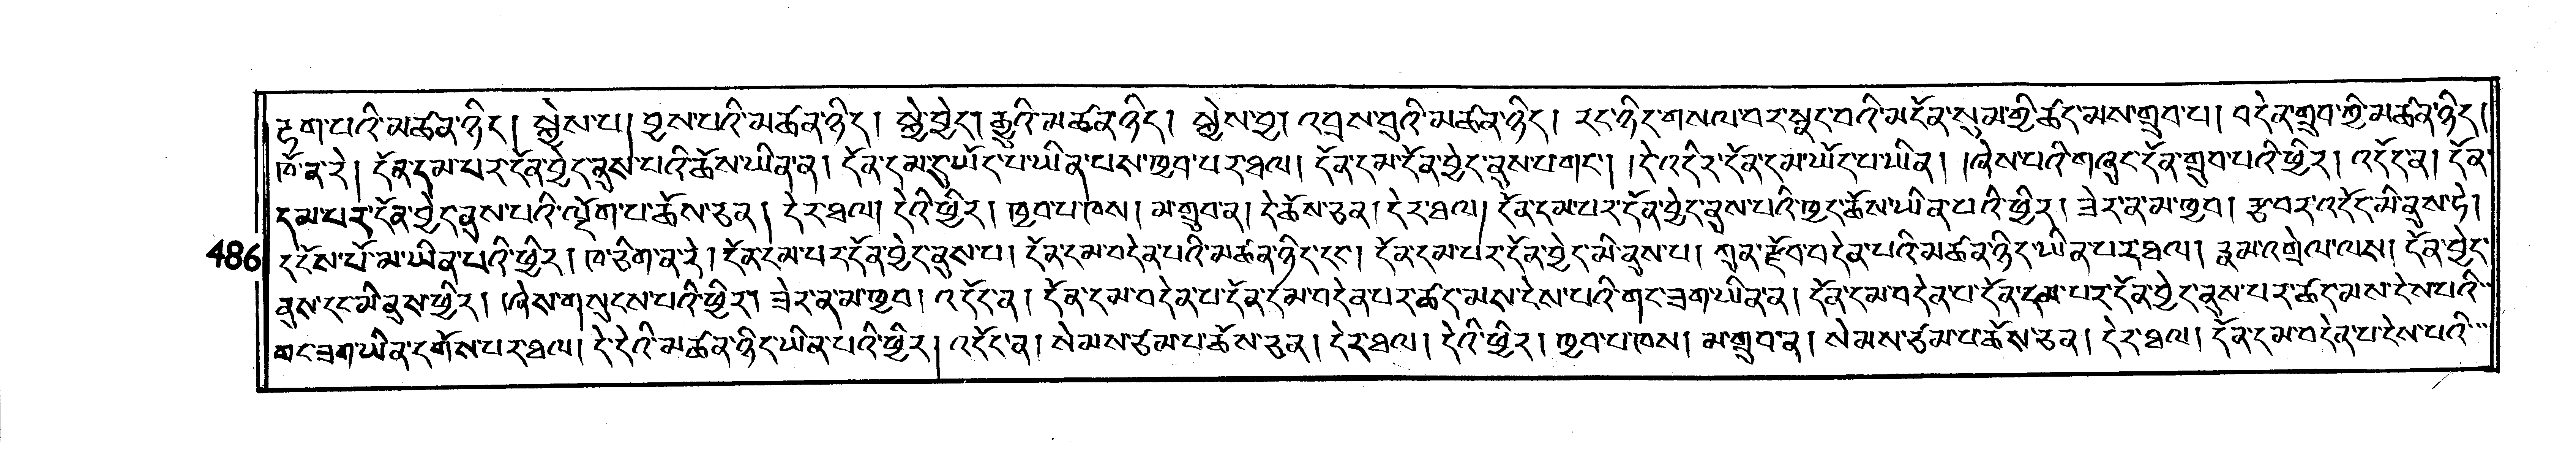རྟག་པའི་མཚན་ཉིད། སྐྱེས་པ། བྱས་པའི་མཚན་ཉིད། སྐྱེ་བྱེད། རྒྱུའི་མཚན་ཉིད། སྐྱེས་བྱ། འབྲས་བུའི་མཚན་ཉིད། རང་ཉིད་གསལ་བར་སྣང་བའི་མངོན་སུམ་གྱི་ཚད་མས་གྲུབ་པ། བདེན་གྲུབ་ཀྱི་མཚན་ཉིད།
ཁོ་ན་རེ། དོན་དམ་པར་དོན་བྱེད་ནུས་པའི་ཆོས་ཡིན་ན། དོན་དམ་དུ་ཡོད་པ་ཡིན་པས་ཁྱབ་པར་ཐལ། དོན་དམ་དོན་བྱེད་ནུས་པ་གང་། །དེ་འདིར་དོན་དམ་ཡོད་པ་ཡིན། །ཞེས་པའི་གཞུང་དོན་གྲུབ་པའི་ཕྱིར། འདོད་ན། དོན་
དམ་པར་དོན་བྱེད་ནུས་པའི་ལྡོག་པ་ཆོས་ཅན། དེར་ཐལ། དེའི་ཕྱིར། ཁྱབ་པ་ཁས། མ་གྲུབ་ན། དེ་ཆོས་ཅན། དེར་ཐལ། དོན་དམ་པར་དོན་བྱེད་ནུས་པའི་ཁྱད་ཆོས་ཡིན་པའི་ཕྱིར། ཟེར་ན་མ་ཁྱབ། རྩ་བར་འདོད་མི་ནུས་ཏེ།
དངོས་པོ་མ་ཡིན་པའི་ཕྱིར། ཁ་ཅིག་ན་རེ། དོན་དམ་པར་དོན་བྱེད་ནུས་པ། དོན་དམ་བདེན་པའི་མཚན་ཉིད་དང་། དོན་དམ་པར་དོན་བྱེད་མི་ནུས་པ། ཀུན་རྫོབ་བདེན་པའི་མཚན་ཉིད་ཡིན་པར་ཐལ། རྣམ་འགྲེལ་ལས། དོན་བྱེད་
ནུས་དང་མི་ནུས་ཕྱིར། །ཞེས་གསུངས་པའི་ཕྱིར། ཟེར་ན་མ་ཁྱབ། འདོད་ན། དོན་དམ་བདེན་པའི་དོན་དམ་བདེན་པར་ཚད་མས་ངེས་པའི་གང་ཟག་ཡིན་ན། དོན་དམ་བདེན་པ་དོན་དམ་པར་དོན་བྱེད་ནུས་པར་ཚད་མས་ངེས་པའི་
གང་ཟག་ཡིན་དགོས་པར་ཐལ། དེ་དེའི་མཚན་ཉིད་ཡིན་པའི་ཕྱིར། འདོད་ན། སེམས་ཙམ་པ་ཆོས་ཅན། དེར་ཐལ། དེའི་ཕྱིར། ཁྱབ་པ་ཁས། མ་གྲུབ་ན། སེམས་ཙམ་པ་ཆོས་ཅན། དེར་ཐལ། དོན་དམ་བདེན་པ་ངེས་པའི་